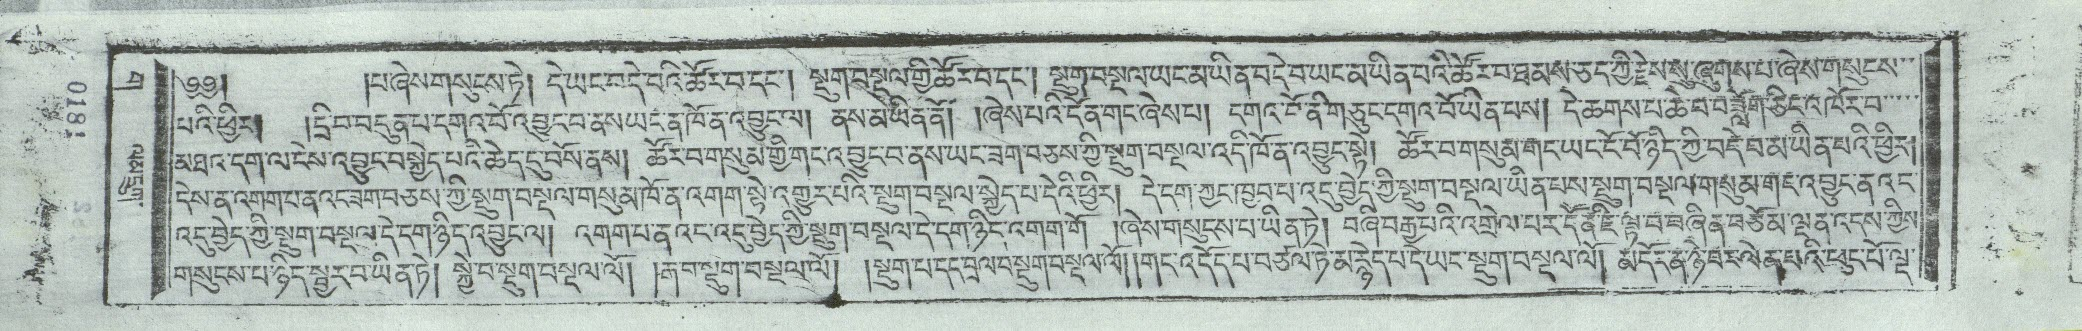༄༅། །པ་ཞེས་གསུངས་ཏེ། དེ་ཡང་བདེ་བའི་ཚོར་བ་དང་། སྡུག་བསྔལ་གྱི་ཚོར་བ་དང་། སྡུག་བསྔལ་ཡང་མ་ཡིན་བདེ་བ་ཡང་མ་ཡིན་པའི་ཚོར་བ་ཐམས་ཅད་ཀྱི་རྗེས་སུ་ཞུགས་པ་ཞེས་གསུངས་
པའི་ཕྱིར། །དྲི་བ་བདུན་པ་དགའ་བོ་འབྱུང་བ་ནས་ཡང་ན་ཁོ་ན་འབྱུང་ལ། ནས་མ་ཡིན་ནོ། །ཞེས་པའི་དོན་གང་ཞེས་པ། དགའ་བོ་ནི་གཅུང་དགའ་བོ་ཡིན་པས། དེ་ཆགས་པ་ཆེ་བ་བཟློག་ཅིང་འཁོར་བ་
མཐའ་དག་ལ་ངེས་འབྱུང་བསྐྱེད་པའི་ཆེད་དུ་བོས་ནས། ཚོར་བ་གསུམ་གྱི་གང་འབྱུང་བ་ནས་ཡང་ཟག་བཅས་ཀྱི་སྡུག་བསྔལ་འདི་ཁོ་ན་འབྱུང་སྟེ། ཚོར་བ་གསུམ་གང་ཡང་ངོ་བོ་ཉིད་ཀྱི་བདེ་བ་མ་ཡིན་པའི་ཕྱིར།
དེས་ན་འགག་པ་ནའང་ཟག་བཅས་ཀྱི་སྡུག་བསྔལ་གསུམ་ཁོ་ན་འགག་སྟེ་འགྱུར་པའི་སྡུག་བསྔལ་སྐྱེད་པ་དེའི་ཕྱིར། དེ་དག་ཀྱང་ཁྱབ་པ་འདུ་བྱེད་ཀྱི་སྡུག་བསྔལ་ཡིན་པས་སྡུག་བསྔལ་གསུམ་གང་འབྱུང་ནའང་
འདུ་བྱེད་ཀྱི་སྡུག་བསྔལ་དེ་དག་ཉིད་འབྱུང་ལ། འགག་པ་ནའང་འདུ་བྱེད་ཀྱི་སྡུག་བསྔལ་དེ་དག་ཉིད་འགག་གོ །ཞེས་གསུངས་པ་ཡིན་ཏེ། བཞི་བརྒྱ་པའི་འགྲེལ་པར་དོན་ཇི་ལྟ་བ་བཞིན་བཅོམ་ལྡན་འདས་ཀྱིས་
གསུངས་པ་ཉིད་སྦྱར་བ་ཡིན་ཏེ། སྐྱེ་བ་སྡུག་བསྔལ་ལོ། །རྒ་བ་སྡུག་བསྔལ་ལོ། །སྡུག་པ་དང་བྲལ་བ་སྡུག་བསྔལ་ལོ། །གང་འདོད་པ་བཙལ་ཏེ་མ་རྙེད་པ་དེ་ཡང་སྡུག་བསྔལ་ལོ། མདོར་ན་ཉེ་བར་ལེན་པའི་ཕུང་པོ་ལྔ་